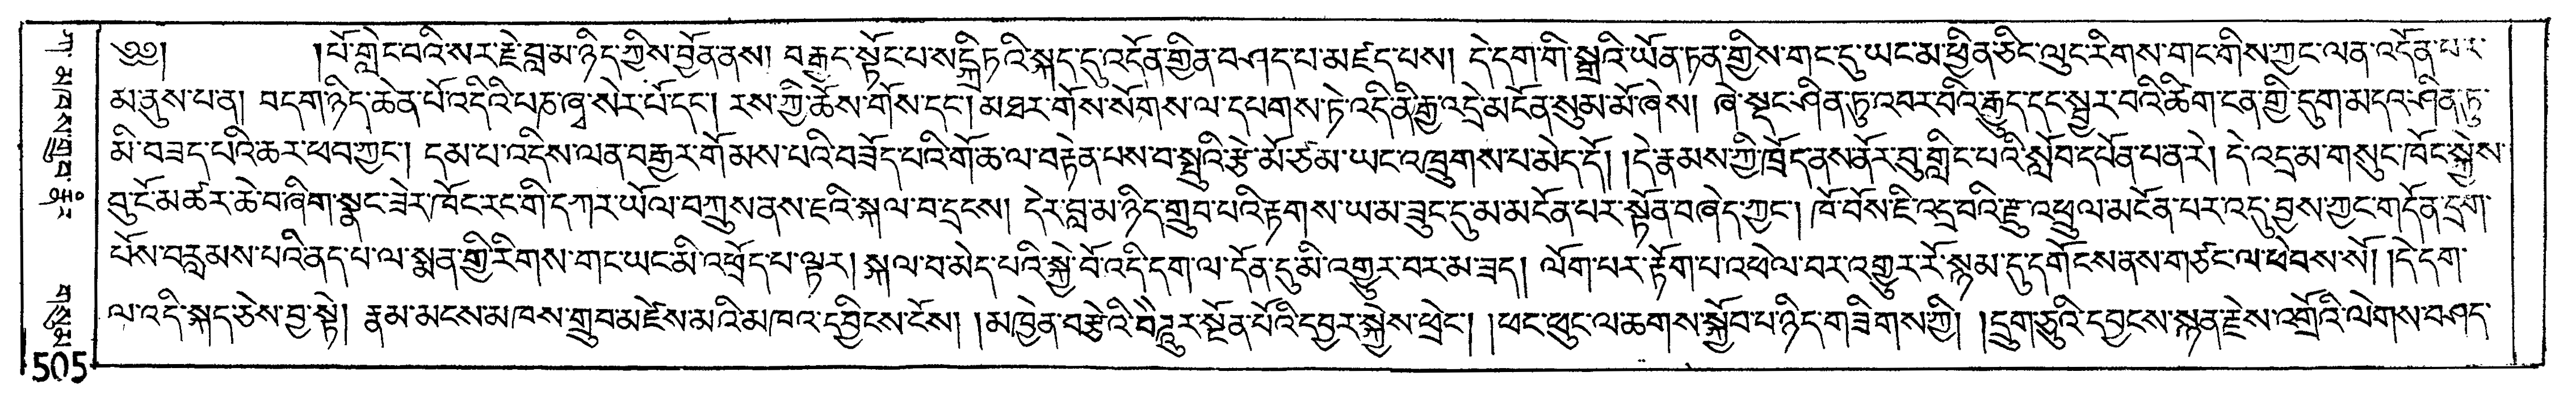༄༅། །པོ་གླེང་བའི་སར་རྗེ་བླ་མ་ཉིད་ཀྱིས་བྱོན་ནས། བརྒྱད་སྟོང་པ་སདཀྲི་ཏའི་སྐད་དུ་འདོན་གྱིན་བཤད་པ་མཛད་པས། དེ་དག་གི་སྒྲའི་ཡོན་ཏན་གྱིས་གང་དུ་ཡང་མ་ཕྱིན་ཅིང་ལུང་རིགས་གང་གིས་ཀྱང་ལན་འདོན་པར་
མ་ནུས་པ་ན། བདག་ཉིད་ཆེན་པོ་འདིའི་པཎ་ཞྭ་སེར་པོ་དང་། རས་ཀྱི་ཆོས་གོས་དང་། མཐར་གོས་སོགས་ལ་དཔགས་ཏེ་འདི་ནི་རྒྱ་འདྲེ་མངོན་སུམ་མོ་ཞེས། ཞེ་སྡང་ཤིན་ཏུ་འབར་བའི་རྒྱུད་དང་སྦྱར་བའི་ཚིག་ངན་གྱི་དུག་མདའ་ཤིན་ཏུ་
མི་བཟད་པའི་ཆར་ཕབ་ཀྱང་། དམ་པ་འདིས་ལན་བརྒྱར་གོམས་པའི་བཟོད་པའི་གོ་ཆ་ལ་བརྟེན་པས་བ་སྤུའི་རྩེ་མོ་ཙམ་ཡང་འཁྲུགས་པ་མེད་དོ། །དེ་རྣམས་ཀྱི་ཁྲོད་ནས་ནོར་བུ་གླིང་པའི་སློབ་དཔོན་པ་ན་རེ། དེ་འདྲ་མ་གསུང་ཁོང་སྐྱེས་
བུ་ངོ་མཚར་ཆེ་བ་ཞིག་སྣང་ཟེར་ཁོང་རང་གི་དཀར་ཡོལ་བཀྲུས་ནས་ཇའི་སྐལ་བ་དྲངས། དེར་བླ་མ་ཉིད་གྲུབ་པའི་རྟགས་ཡ་མ་ཟུང་དུ་མ་མངོན་པར་སྟོན་བཞེད་ཀྱང་། ཁོ་བོས་ཇི་འདྲ་བའི་རྫུ་འཕྲུལ་མངོན་པར་འདུ་བྱས་ཀྱང་གདོན་དྲག་
པོས་བརླམས་པའི་ནད་པ་ལ་སྨན་གྱི་རིགས་གང་ཡང་མི་འཕྲོད་པ་ལྟར། སྐལ་བ་མེད་པའི་སྐྱེ་བོ་འདི་དག་ལ་དོན་དུ་མི་འགྱུར་བར་མ་ཟད། ལོག་པར་རྟོག་པ་འཕེལ་བར་འགྱུར་རོ་སྙམ་དུ་དགོངས་ནས་གཙང་ལ་ཕེབས་སོ། །དེ་དག་
ལ་འདི་སྐད་ཅེས་བྱ་སྟེ། རྣམ་མངས་མཁས་གྲུབ་མཛེས་མའི་མཁའ་དབྱིངས་ངོས། །མཁྱེན་བརྩེའི་བཻཌཱུར་སྔོན་པོའི་དབྱར་སྐྱེས་ཕྲེང་། །ཕང་ཕུང་ལ་ཆགས་སྐྱོབ་པ་ཉིད་གཟིགས་ཀྱི། །དྲུག་ཅུའི་དབྱངས་སྙན་རྗེས་འགྲོའི་ལེགས་བཤད་